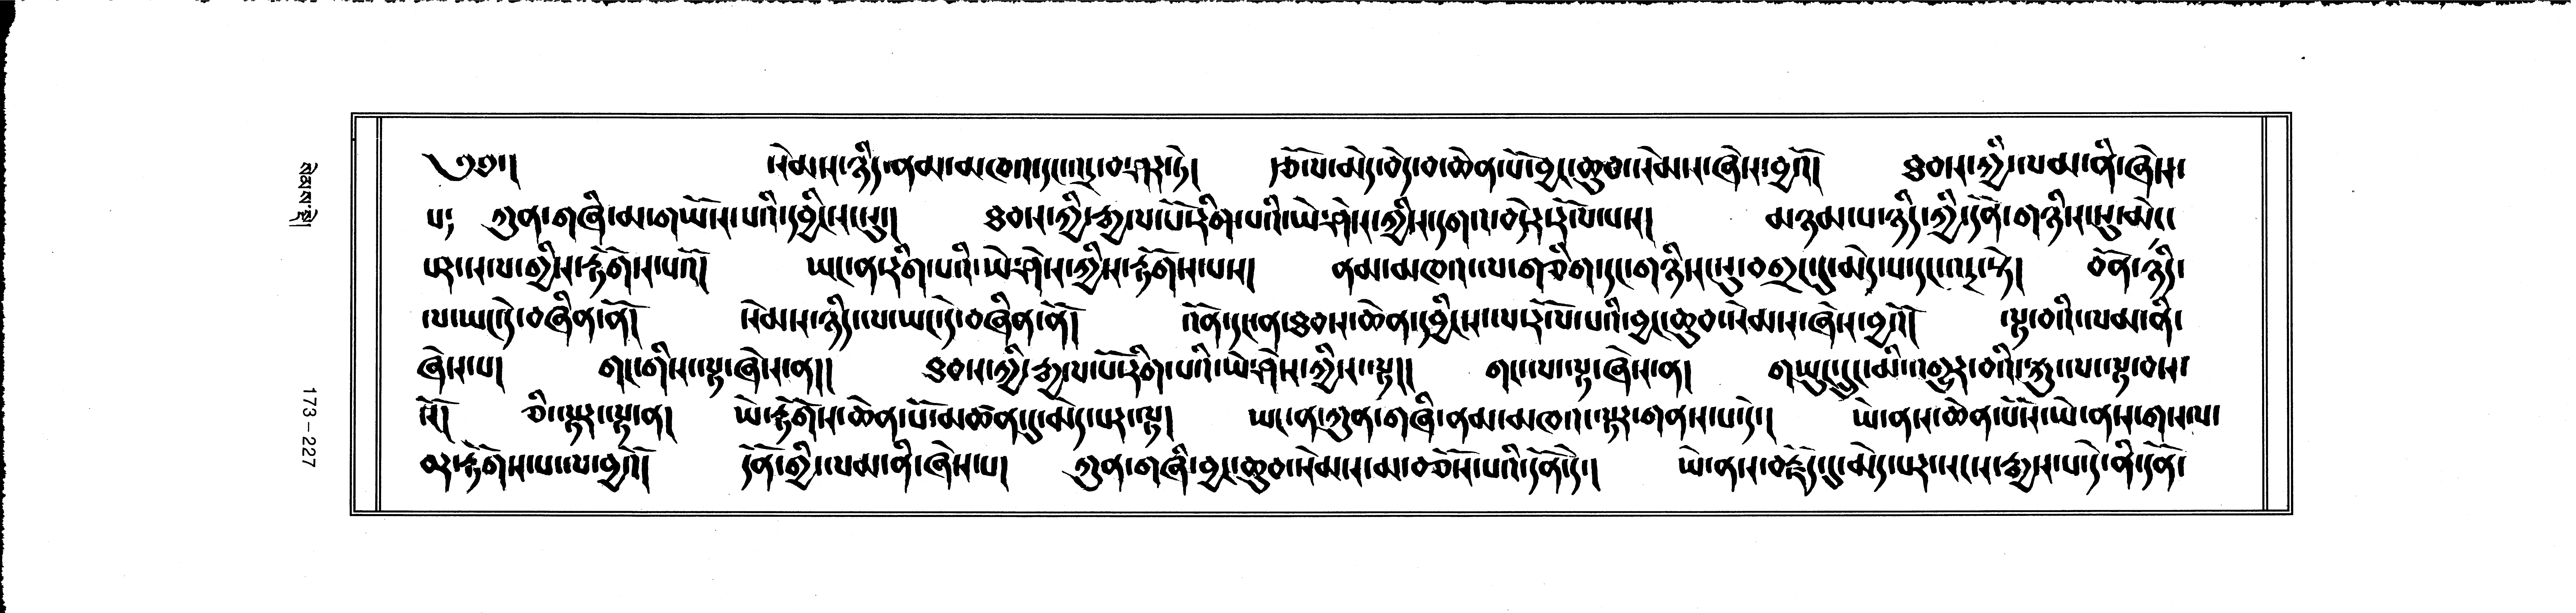སེམས་ཉིད་ནམ་མཁའ་དང་འདྲ་བ་ཤར་ཏེ། རྩོལ་མེད་བདེ་བ་ཆེན་པོ་བྱང་ཆུབ་སེམས་ཞེས་བྱའོ། །ཐབས་ཀྱི་ལམ་ནི་ཞེས་
པ། ཀུན་གཞི་མ་གཡོས་པའི་དབྱིངས་སུ། ཐབས་ཀྱི་རྒྱལ་པོ་རིག་པའི་ཡེ་ཤེས་ཀྱིས་དགའ་བདེར་རོལ་པས། མཉམ་པ་ཉིད་ཀྱི་དོན་གཉིས་སུ་མེད་
པར་སལ་གྱིས་རྟོགས་པའོ། །ཡང་ན་རིག་པའི་ཡེ་ཤེས་ཀྱིས་རྟོགས་པས། ནམ་མཁའ་ལ་གཅིག་དང་གཉིས་སུ་བགྲང་དུ་མེད་པ་དང་འདྲ་སྟེ། བོན་ཉིད་
ལ་ཡང་དེ་བཞིན་ནོ། །སེམས་ཉིད་ལ་ཡང་དེ་བཞིན་ནོ། །འོན་དང་ན་ཐབས་ཆེན་དབྱིངས་ལ་རོལ་པའི་བྱང་ཆུབ་སེམས་ཞེས་བྱའོ། །ལྟ་བའི་ལམ་ནི་
ཞེས་པ། གང་གིས་ལྟ་ཞེ་ན། ཐབས་ཀྱི་རྒྱལ་པོ་རིག་པའི་ཡེ་ཤེས་ཀྱིས་ལྟ། གང་ལ་ལྟ་ཞེ་ན། གཡུང་དྲུང་མི་འགྱུར་བའི་སྐུ་ལ་ལྟ་བས་
སོ། །ཅི་ལྟར་ལྟ་ན། ཡེ་རྟོགས་ཆེན་པོ་མཚན་དུ་མེད་པར་ལྟ། ཡང་ན་ཀུན་གཞི་ནམ་མཁའ་ལྟར་གནས་པ་དེ། ཡེ་ནས་ཆེན་པོས་ཡེ་ནས་གསལ་
བར་རྟོགས་པ་ལ་བྱའོ། །དོན་གྱི་ལམ་ནི་ཞེས་པ། ཀུན་གཞི་བྱང་ཆུབ་སེམས་མ་བཅོས་པའི་དོན་དེ། ཡེ་ནས་བརྗོད་དུ་མེད་པར་སངས་རྒྱས་པ་དེ་ནི་དོན་